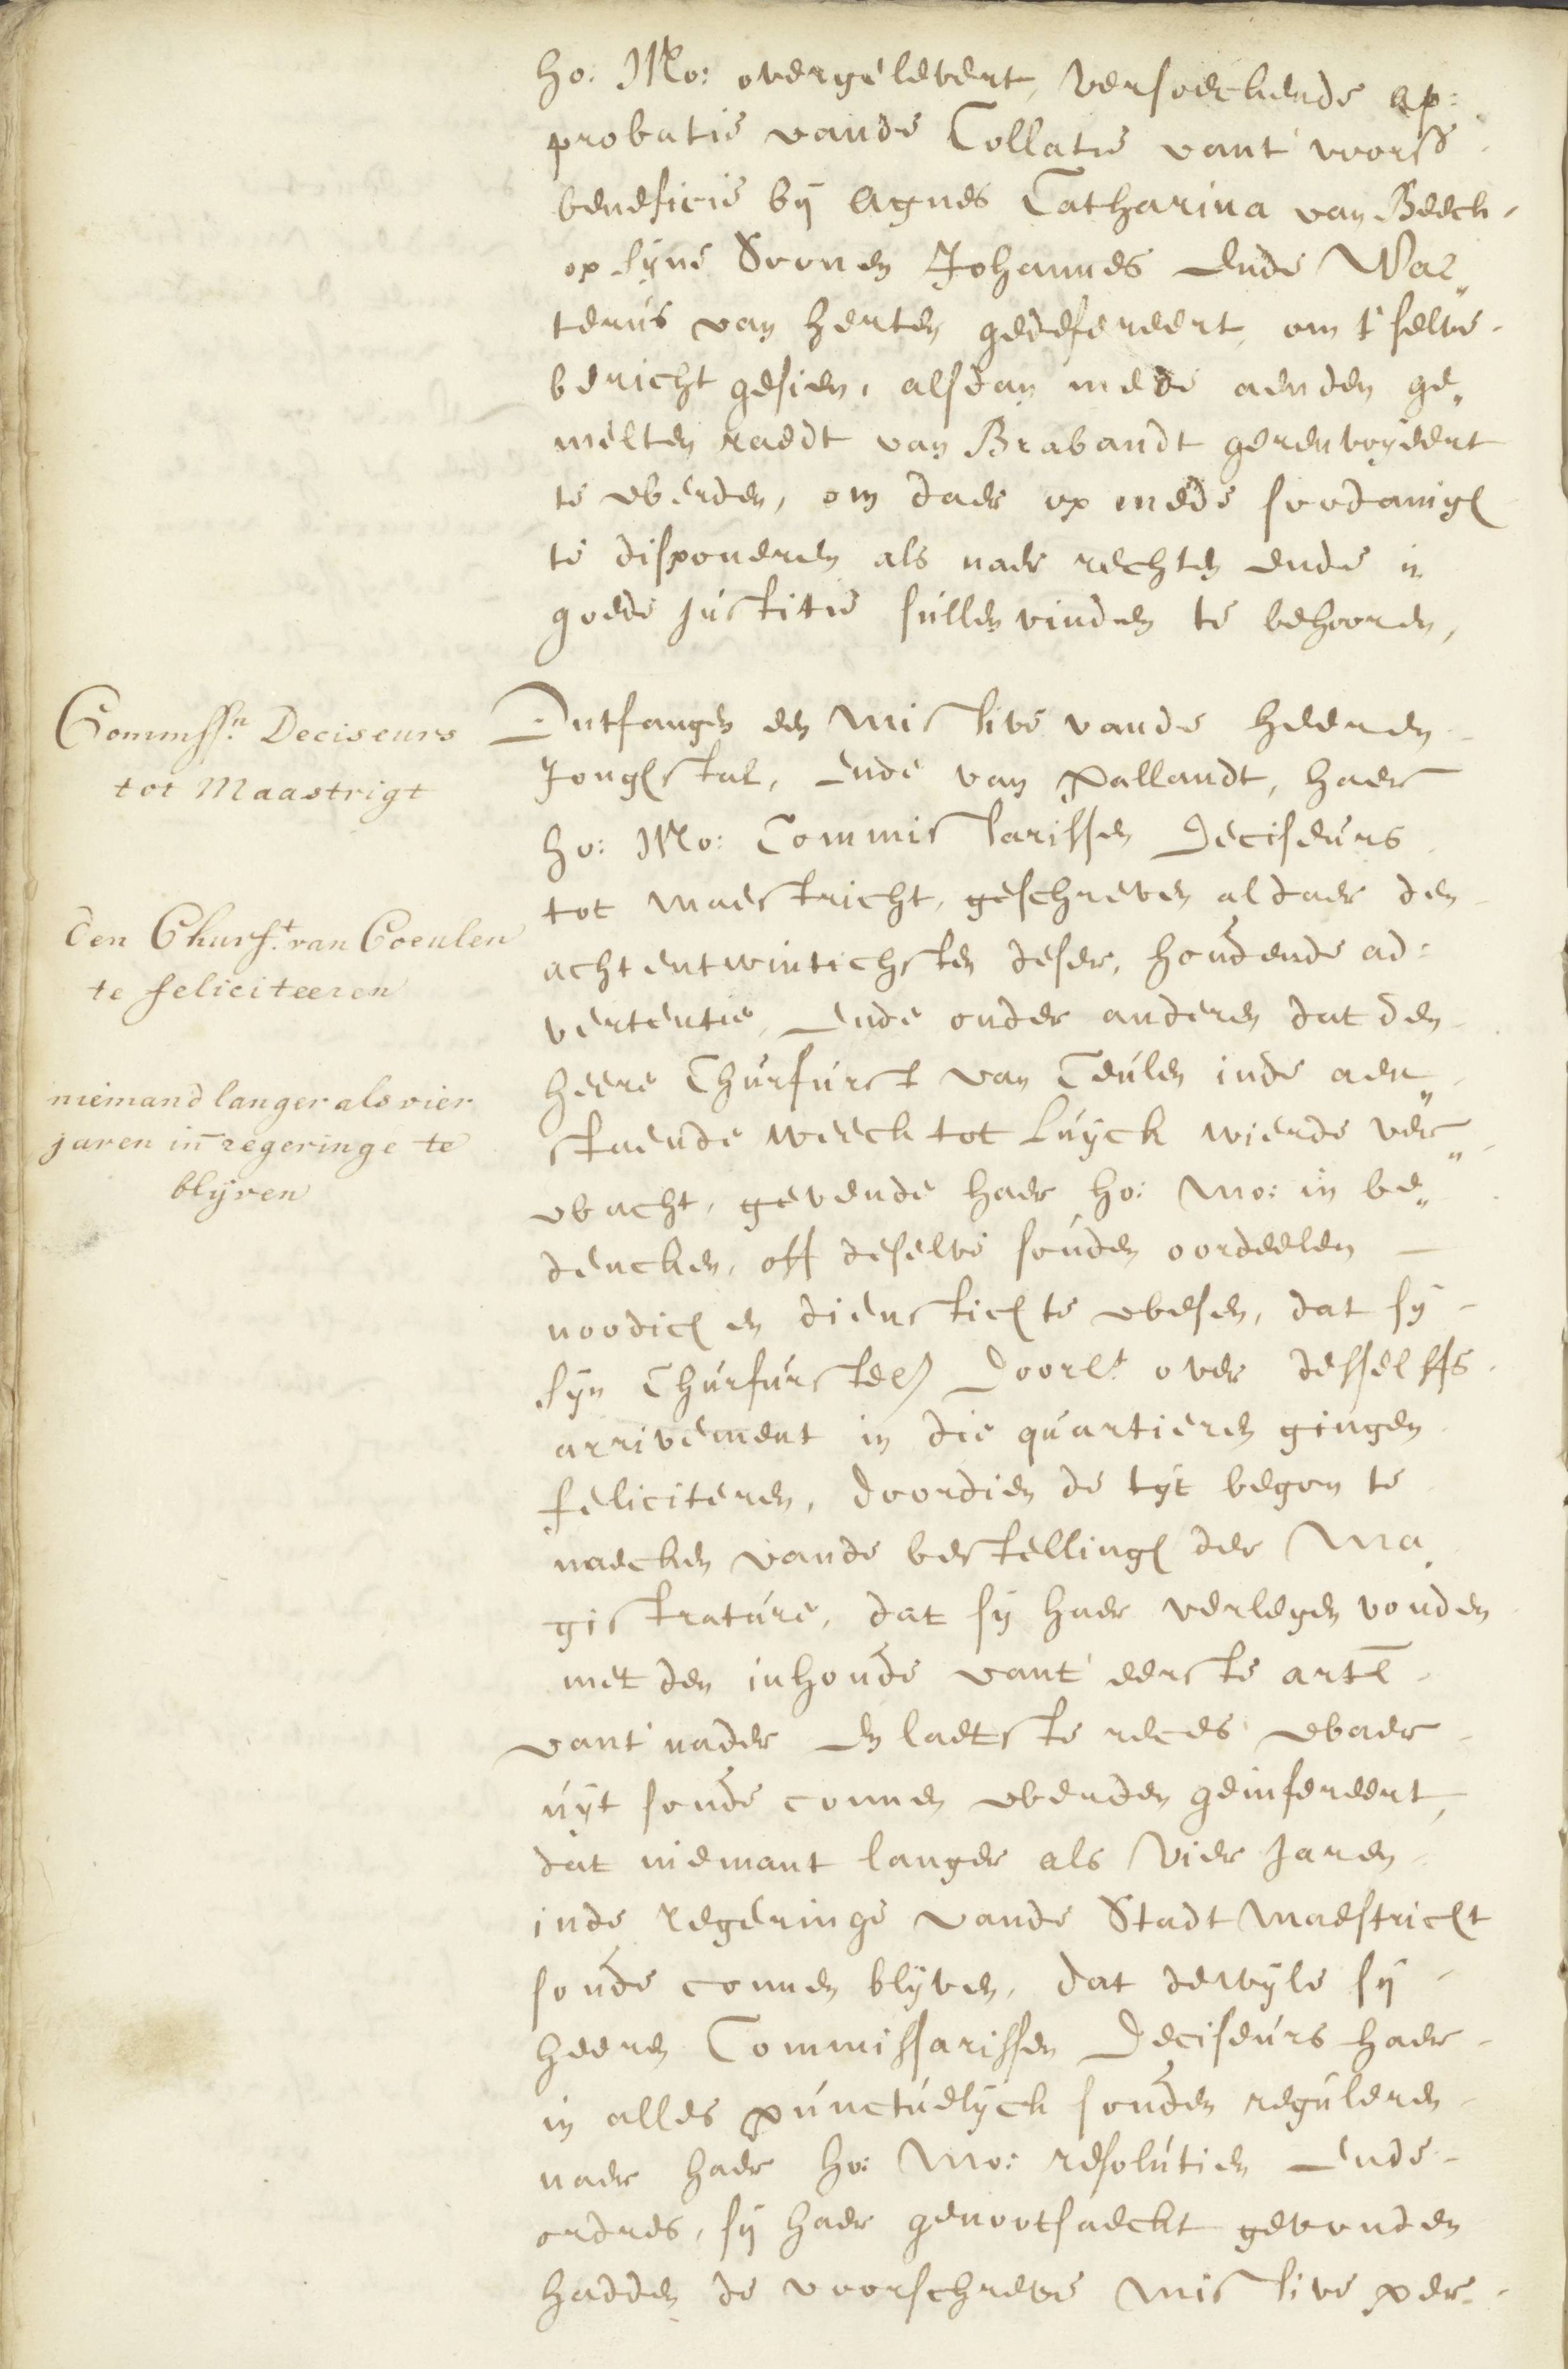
ho:Mo: overgelevert, versoeckende ap„
probatie vande Collatie vant‛ voors
beneficie bij Agnes Catharina van Beeck,
op sijne Soonen Johannes ende Wal„
terus van herten gedefereert om t‛selve
bericht gesien, alsdan mede aenden ge„
melten raedt van Brabandt gerenvoijeert
te werden, om daer op mede soodanigh
te disponeren als naer rechten ende in
goede justitie sullen vinden te behooren.
Commissn. Deciseurs
tot Maastrigt
den Churft. van Coeulen
te feliciteren
niemand langer als vier
jaren in regeringe te
blijven
Ontfangen een Missive vande heeren
Jonghstal, ende van Pallandt, haer
ho:Mo: Commissarissen Deciseurs
tot maestricht, geschreven aldaer den
achtentwintichsten deser, houdende ad„
vertentie, ende onder anderen dat den
heere Churfurst van Ceulen inde aen„
staende weeck tot Luijck wierde ver„
wacht, gevende haer ho:Mo: in be„
dencken, off deselve souden oordeelen
noodich en dienstich te wesen, dat sij
sijn Churfurstel Doorlt over desselffs
arrivement in die quartieren gingen
feliciteren, doordien de tijt begon te
naecken vande bestellingh der Ma„
gistrature, dat sij haer verlegen vonden
met den inhoude vant‛ eerste artl.
vant‛ nader en laetste reces waer
uijt soude connen werden geinfereert,
dat niemant langer als vier Jaren
inde regeringe vande Stadt maestricht
soude connen blijven, dat dewijle sij
heeren Commissarissen Decideurs haer
in alles punctuelijck souden reguleren
naer haer ho:Mo: resolutien ende
ordres, sij haer genootsaeckt gevonden
hadden de voorschreve missive per
